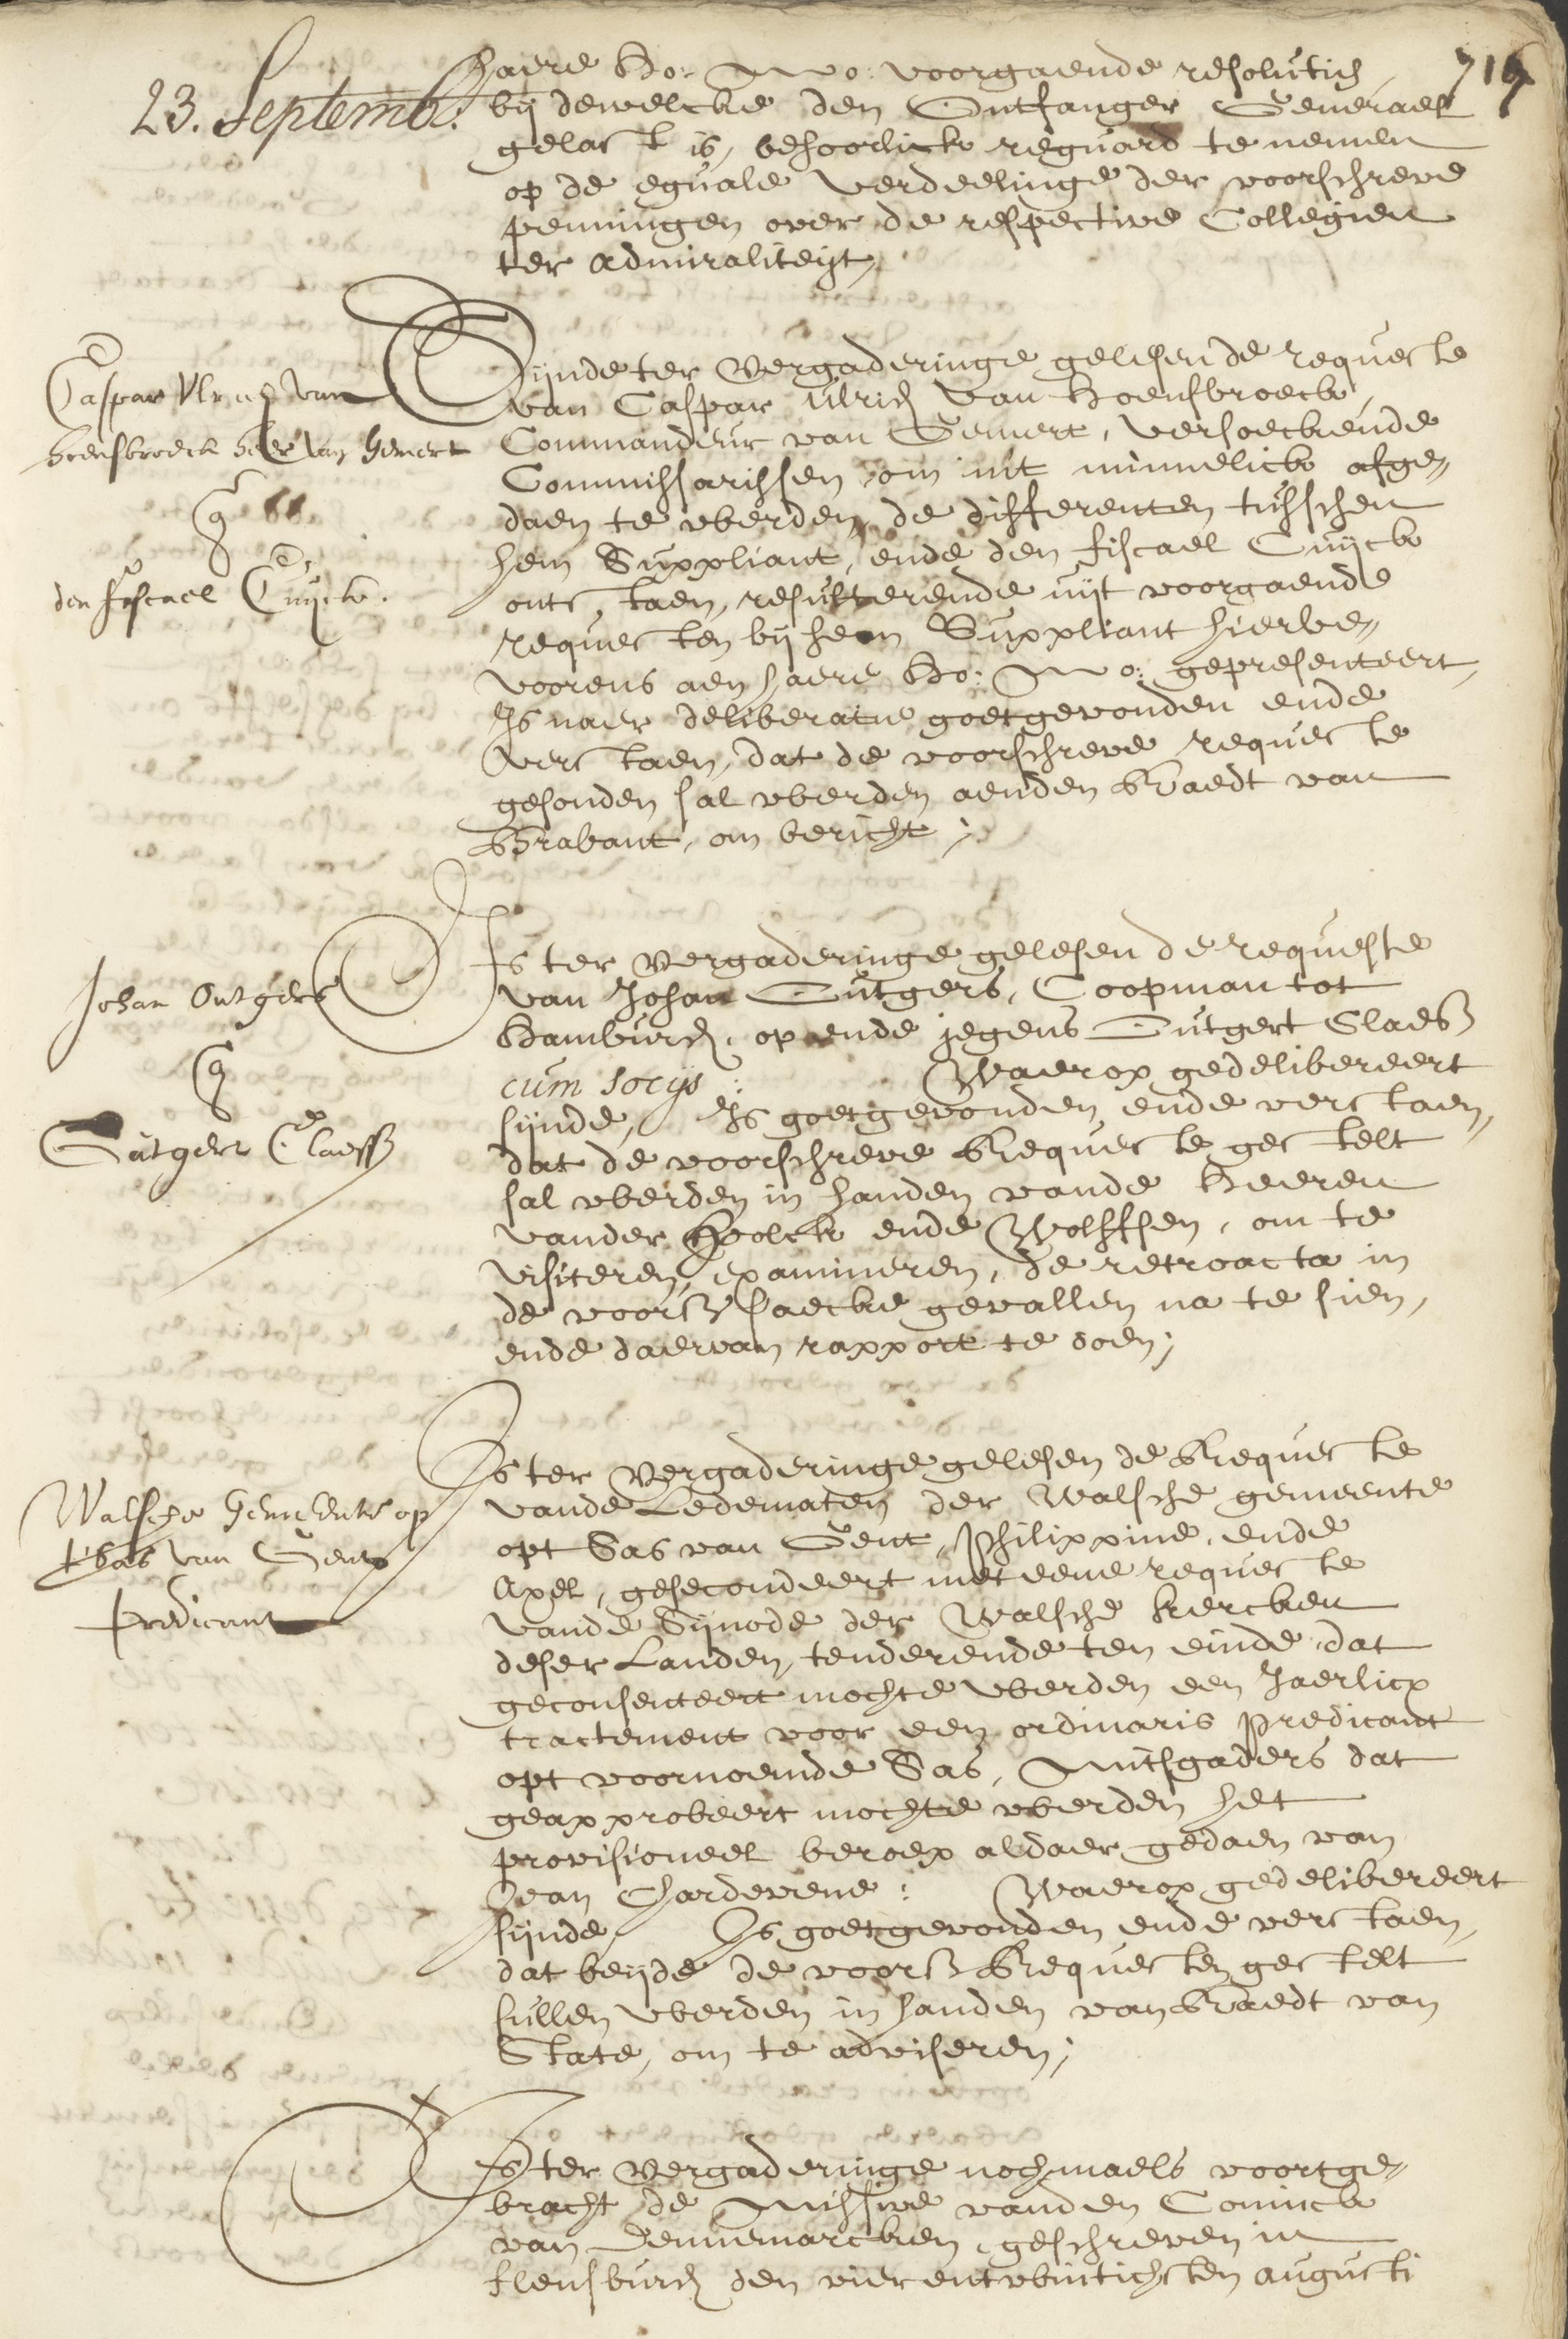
717
23. Septemb.
haere Ho:Mo: voorgaende resolutien,
bij denwelcke den Ontfanger Generael
gelast is, behoorlick reguard te nemen
op de eguale verdeelinge der voorschreve
penningen over de respective Collegien
ter admiraliteijt.
Caspar Ulrich van
Hoensbroeck heer van Gemert
Ca
den fiscael Cuijck.
Sijnde ter Vergaderinge gelesen de requeste
van Caspar Ulrich van Hoensbroeck
Commandeur van Gemert, versoeckende
Commissarissen om int minnelick afge„
daen te werden, de differenten tusschen
hem Suppliant, ende den fiscael Cuijck
ontstaen, resulterende uijt voorgaend
requesten bij hem Suppliant hierbe„
voorens aen haere Ho:Mo: gepresenteert;
Is naer deliberatie goetgevonden ende
verstaen, dat de voorschreve requeste
gesonden sal werden aenden Raedt van
Brabant, om bericht;
Johan Outgers
Ca
Outger Claesz.
Is ter Vergaderinge gelesen de requeste
van Johan Outgers, Coopman tot
Hamburch, op ende jegens Outgert Claesz.
cum socijs: Waerop gedelibereert
sijnde, Is goetgevonden ende verstaen,
dat de voorschreve Requeste gestelt
sal werden in handen vande Heeren
vander Hoolck ende Wolffsen, om te
visiteren, examineren, de retroacta in
de voorss. saecke gevallen na te sien,
ende daervan rapport te doen;
Walsche Gemeente op
t‛ sas van Gent
Predicant
Is ter Vergaderinge gelesen de Requeste
vande Ledematen der Walsche gemeente
opt Sas van Gent, Philippine, ende
Axel, gesecondeert met eene requeste
vande Sijnode der Walsche kercken
deser Landen, tenderende ten einde dat
geconsenteert mochte werden een Jaerlicx
tractement voor een ordinaris predicant
opt voornoemde Sas, Mitsgaders dat
geapprobeert mochte werden het
provisioneel beroep aldaer gedaen van
Jean Chardevene: Waerop gedelibereert
sijnde, Is goetgevonden ende verstaen,
dat beijde de voorss. Requesten gestelt
sullen werden in handen van Raedt van
State, om te adviseren;
Is ter vergaderinge nochmaels voortge„
bracht de Missive vanden Coninck
van Dennemarcken, geschreven in
Flensburch den vierentwintichsten augusti
